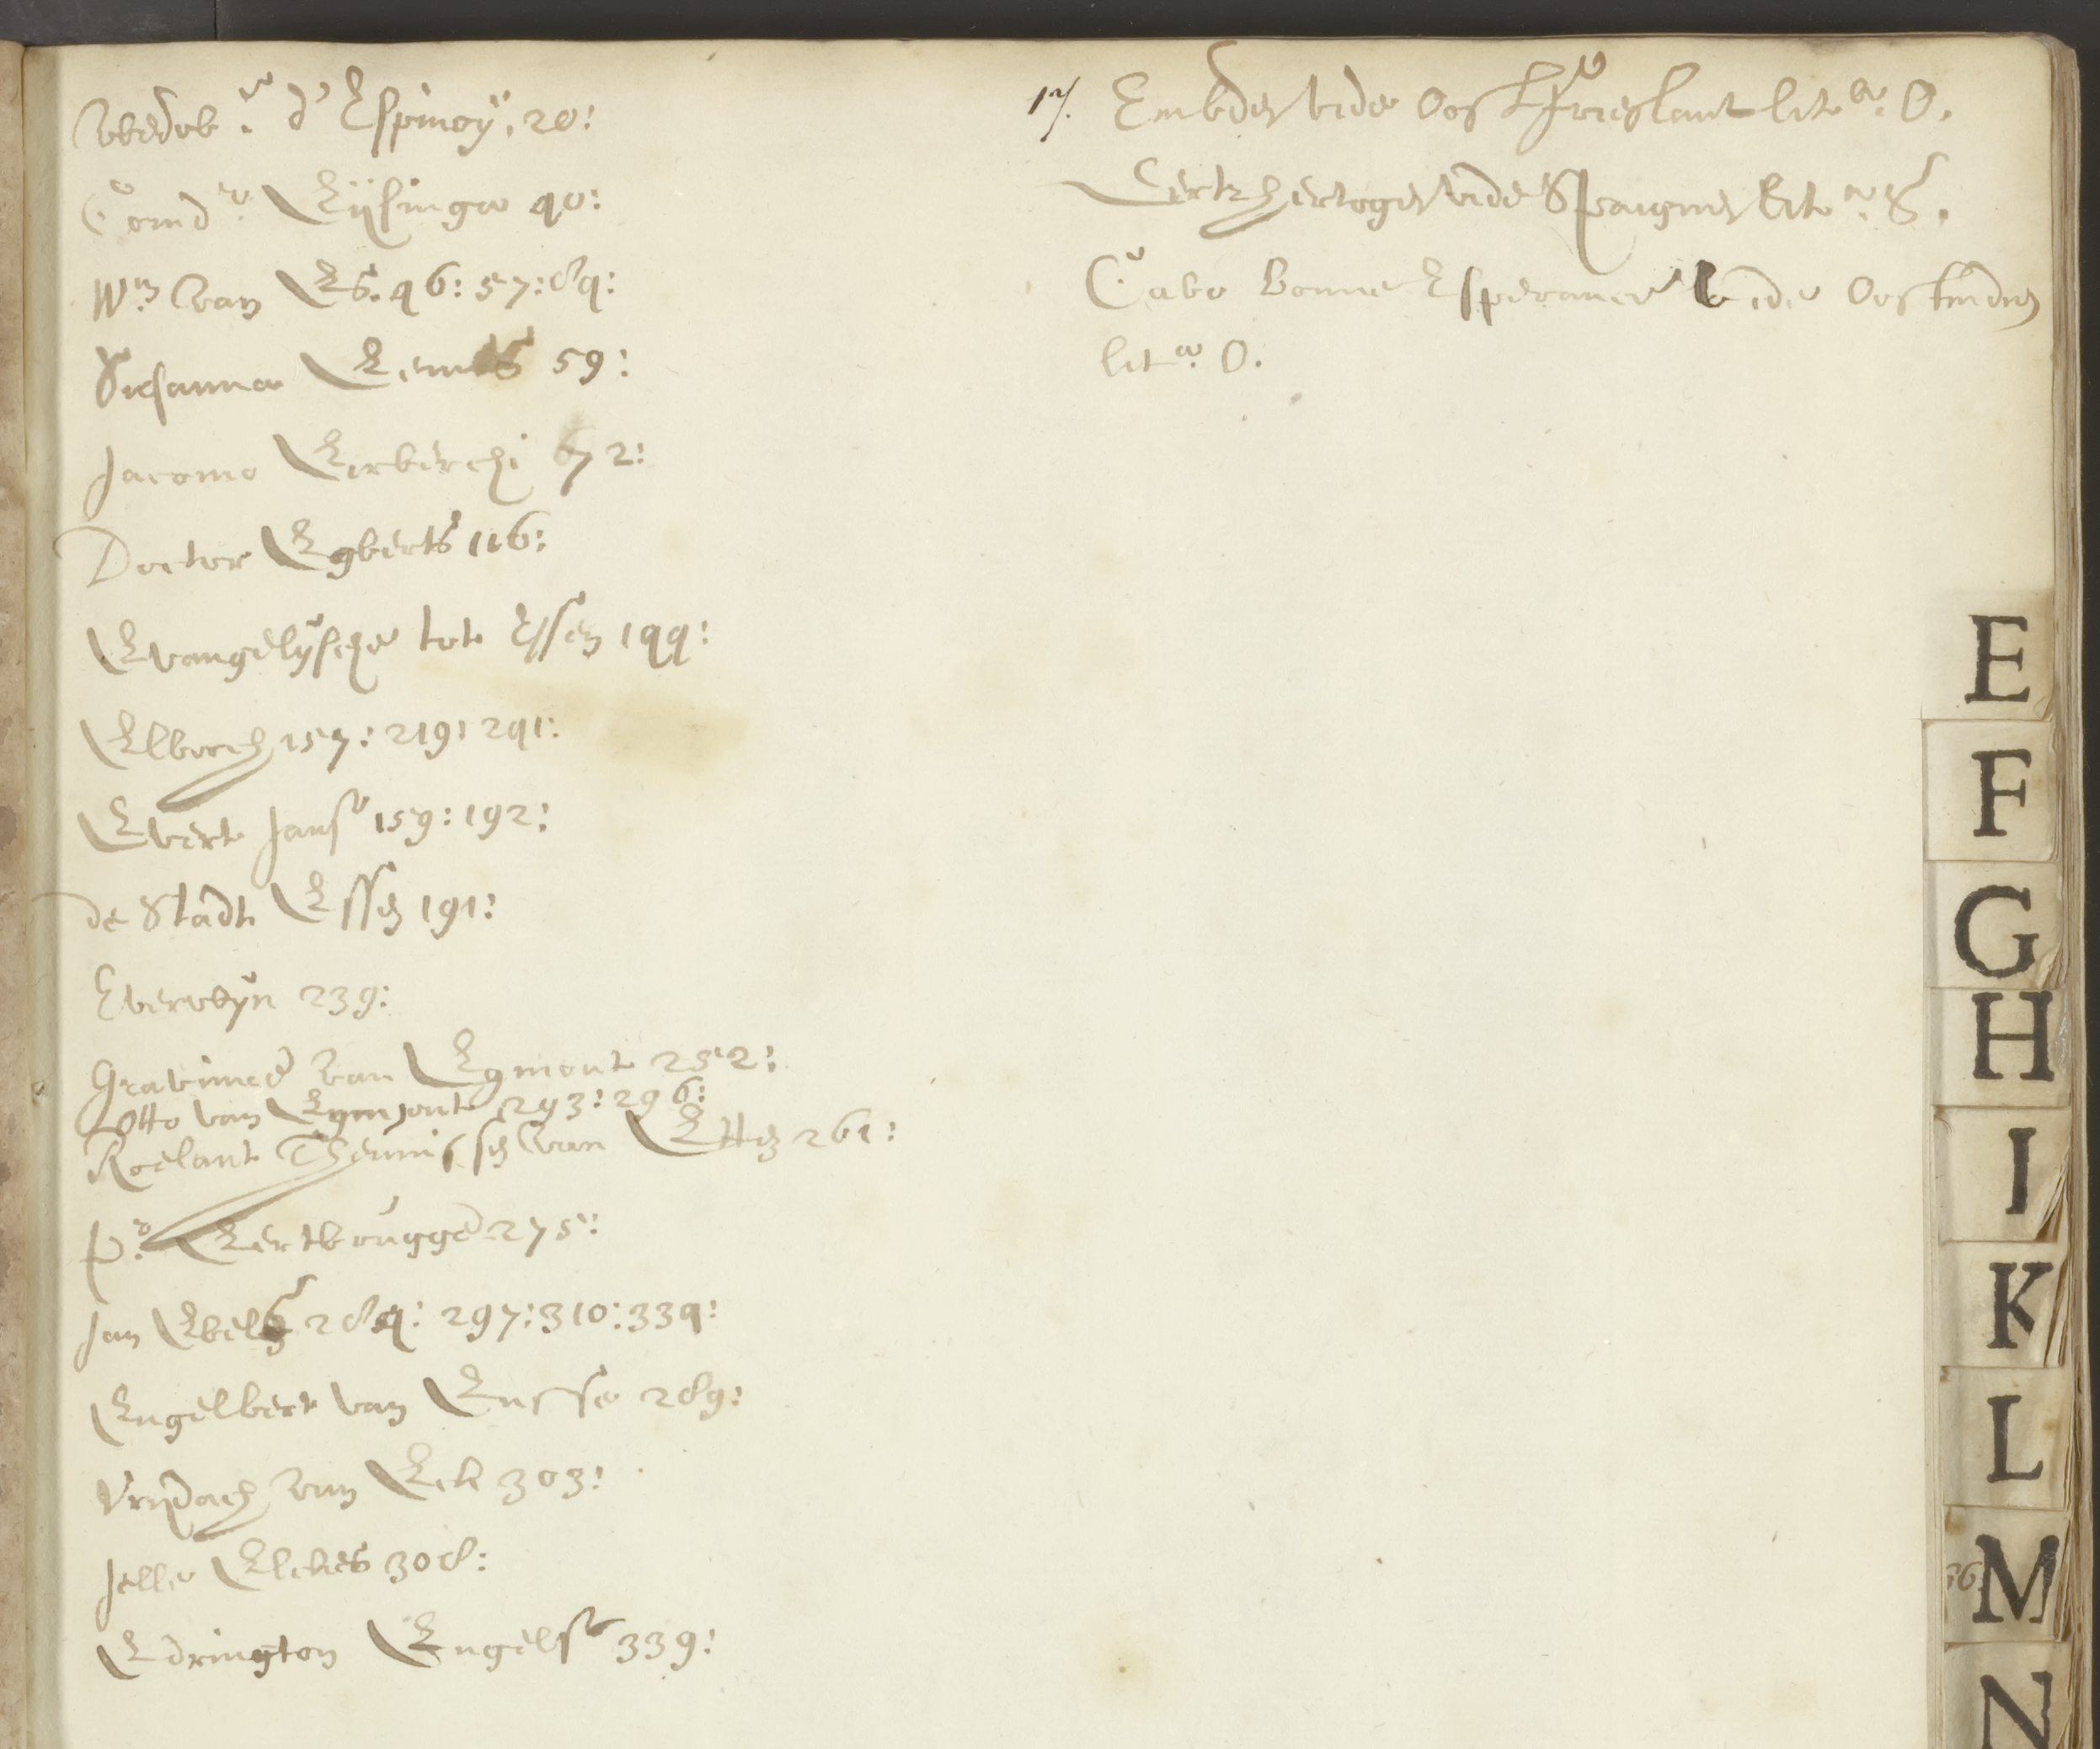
17. Embden vide Oostfrieslant lita.O.
Eertzhertoge vide Spaigne lita.S.
Cabo Bonne Esperance vide Oostindien
lita.O.
wedue. d‛Espinoy, 20:
Corndr. Eijsinga 40:
Wm. van Es. 46: 57: 89:
Susanna Eems 59:
Jacomo Eirberchi 72:
Doctor Egberts 116:
Evangelijsche tot Essen 144:
Elburch 157: 219: 291:
Evert Jans 159: 192:
de Stadt Essen 191:
Everwijn 239:
Gravinne van Egmont 252:
Otto van Egmont 293: 296:
Roelant Theunissen van Etten 261:
Pr. Eertbrugge 275:
Jan Ebelz 284: 297: 310: 334:
Engelbert van Ensse 289:
Vrydach van Eck 303:
Jelle Elckes 308:
Edrington Engels 339:
